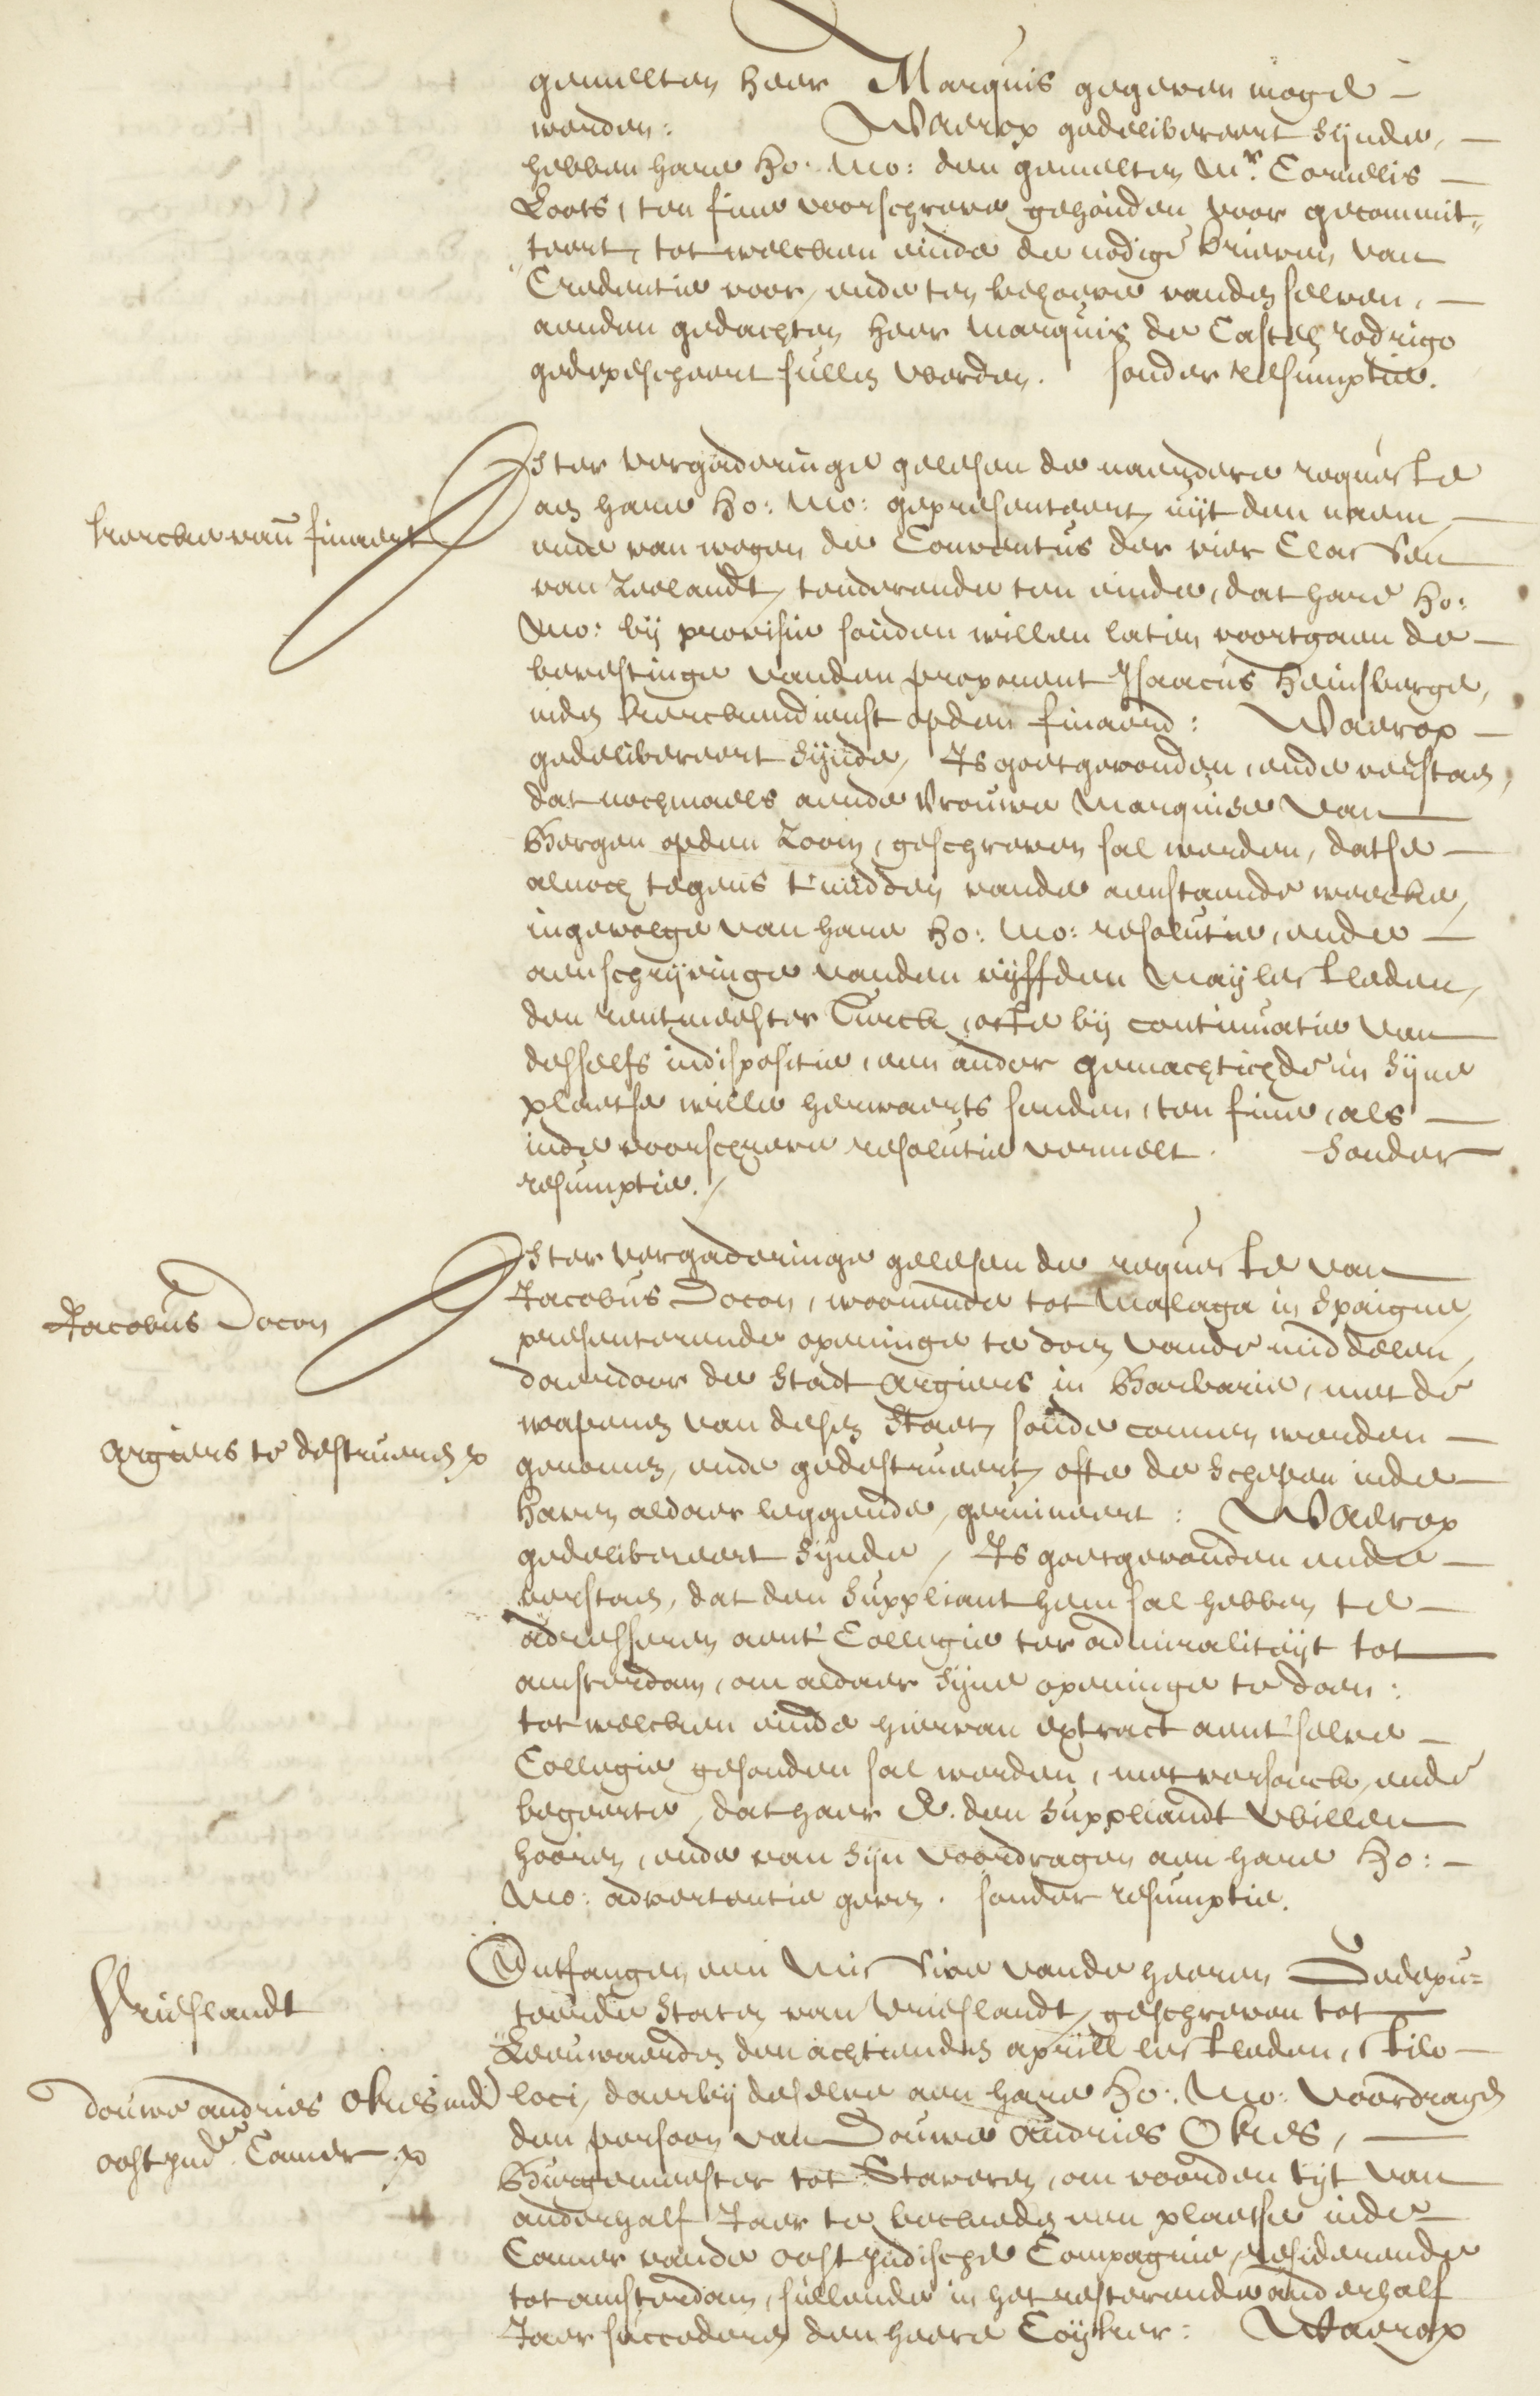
gemelten heer Marquis gegeven moge —
werden: Waerop gedelibereert sijnde,
hebben hare Ho:Mo: den gemelten mr. Cornelis —
Loots, ten fine voorschreve gehouden voor gecommit„
„teert, tot welcken einde de nodige brieven van
Credentie voor, ende ten behoeve vanden selven,
aenden gedachten heer Marquis de Castel rodrigo
gedepescheert sullen werden. sonder resumptie.
kercke van finaert
Is ter vergaderinge gelesen de naerdere requeste
aen hare Ho:Mo: gepresenteert, uijt den naem,
ende van wegen de Conventus der vier Classen
van Zeelandt, tenderende ten einde, dat hare Ho:
Mo: bij provisie souden willen laten voortgaen de
bevestinge vanden proponent Isaacus Heinsberge,
inden kerckendienst opden finaerd: Waerop
gedelibereert sijnde, Is goetgevonden, ende verstaen,
dat nochmaels aende Vrouwe Marquise van
Bergen opden Zoom, geschreven sal werden, datse
alnoch tegens t' midden vande aenstaende weecke,
ingevolge van hare ho:Mo: resolutie, ende
aenschrijvinge vanden vijffden Maij lestleden,
den rentmeester Turck, ofte bij continuatie van
desselfs indispositie, een ander gemachtichde in sijne
plaetse wille herwaerts senden, ten fine, als
inde voorschreve resolutie vermelt. Sonder
resumptie.
Jacobus Docon
Argiers te destrueren @
Is ter vergaderinge gelesen de requeste van
Jacobus Docon, woonende tot Malaga in Spaigne,
presenterende openinge te doen vande middelen,
daerdoor de Stadt Argiers in Barbarie, met de
wapenen van desen Staet, soude connen werden
genomen, ende gedestrueert, ofte de schepen inde
haven aldaer leggende, geruineert: Waerop
gedelibereert sijnde, Is goetgevonden ende
verstaen, dat den Suppliant hem sal hebben te
adresseren aent' Collegie ter admiraliteijt tot
amsterdam, om aldaer sijne openinge te doen:
tot welcken einde hiervan extract aent' selve
Collegie gesonden sal werden, met versoeck, ende
begeerte, dat haer E. den Suppliandt willen
hooren, ende van sijn voordragen aen hare Ho:
Mo: advertentie geven. sonder resumptie.
Vrieslandt
douwe andries Okes inde
oostInd Camer @
Ontfangen een Missive vande heeren Gedepu=
„teerde Staten van Vrieslandt, geschreven tot
Leeuwaerden den achtienden aprill lestleden, stilo
loci, daerbij deselve aen hare Ho:Mo: voordragen
den persoon van Douwe Andries Okes,
Burgemeester tot Staveren, om voorden tijt van
anderhalf Jaer te becleeden een plaetse inde
Camer vande oostIndische Compagnie, residerende
tot amsterdam, sullende in het resterende anderhalf
Jaer succederen den heere Coijker: Waerop
